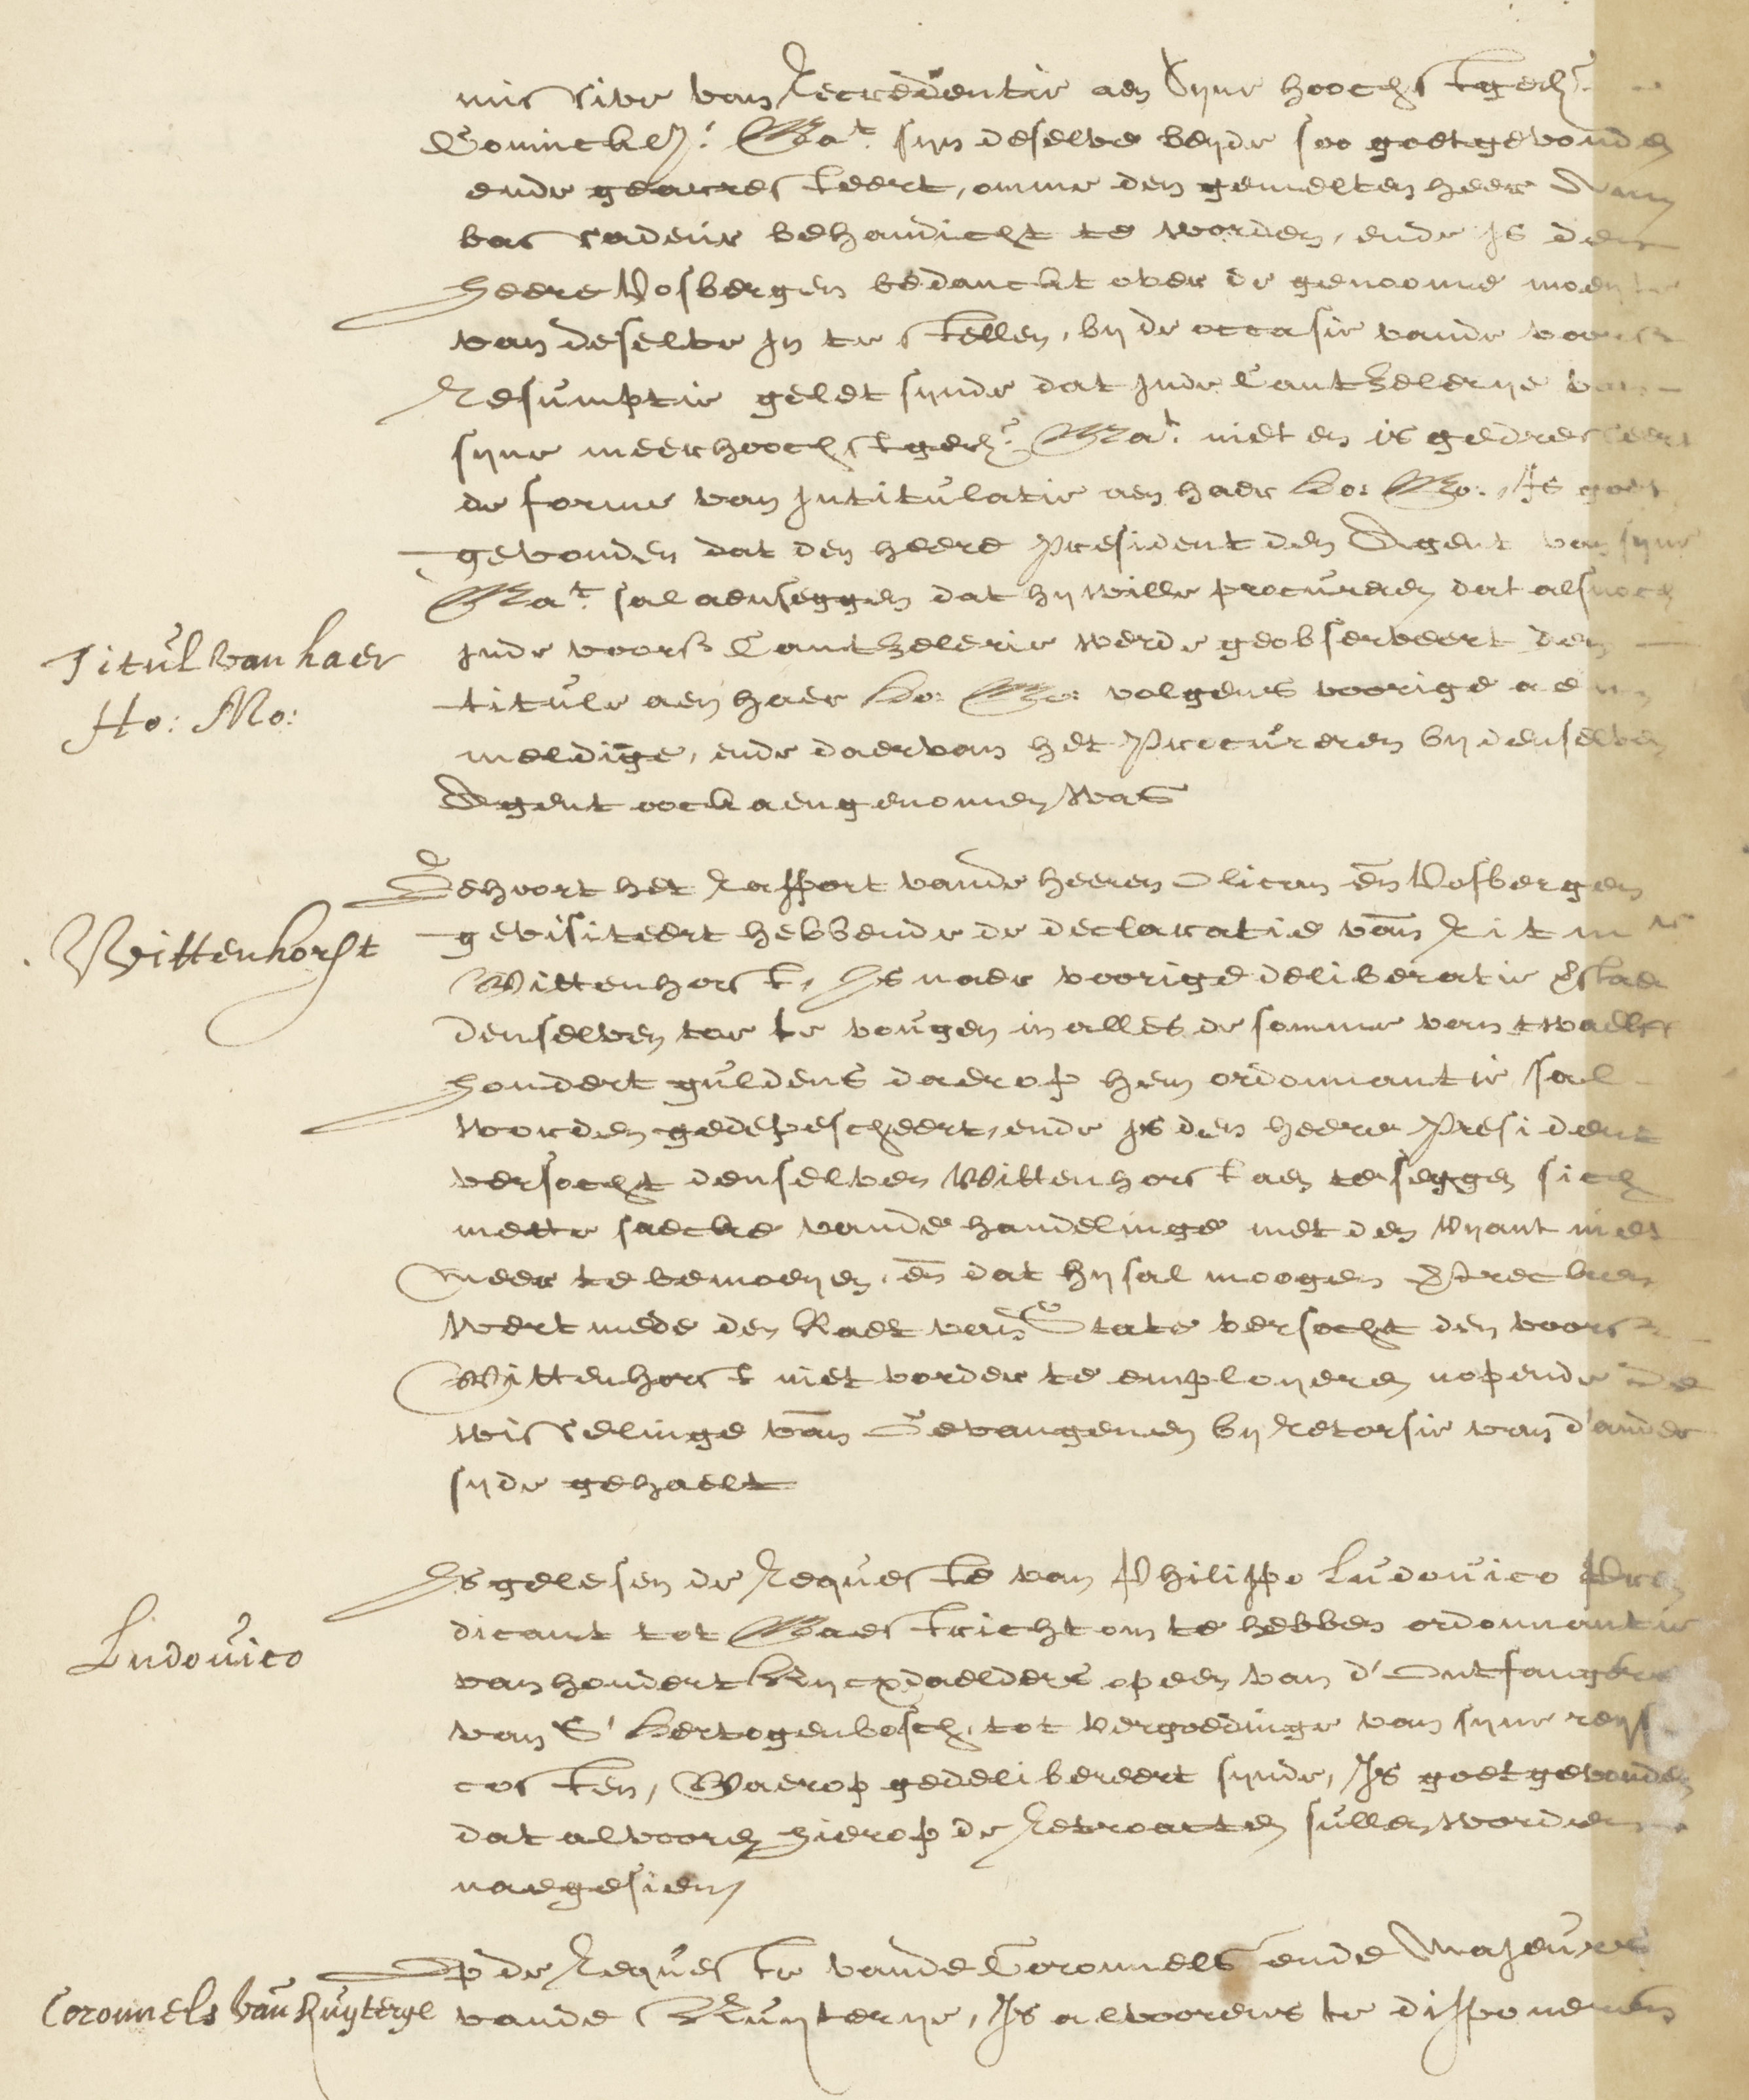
Titul van haer
Ho:Mo:
missive van recredentie aen Syne hoochstgede.
Coninckl. Mat. syn deselve beyde soo goetgevonden
ende gearresteert, omme den gemelten heer Am„
bassadeur behandicht te worden, ende Is den
Heere Vosbergen bedanckt over de genoome moeyte
van deselve In te stellen, by de occasie vande voors
resumptie gelet synde dat Inde cantzelerye van -
syne meerhoochstgede. Mat. niet en is gedresseert
de forme van Intitulatie aen haer Ho:Mo: Is goet
gevonden dat den heere president den Agent van syne
Mat. sal aenseggen dat hij wille procureren dat alsnoch
Inde voors cantzelerie werde geobserveert den
titule aen haer Ho:Mo: volgens voorige aen,,
meldige, ende daervan het procureren by denselven
Agent oock aengenomen was
Wittenhorst
Gehoort het rapport vande heeren Olican en Vosbergen
gevisiteert hebbende de declaratie van ritmr.
Wittenhorst. Is naer voorige deliberatie vstaen
denselven toe te vougen in alles de somme van twaelff
hondert guldens daerop hem ordonnantie sal
worden gedepescheert, ende Is den heere President
versocht denselven Wittenhorst aen te seggen sich
mette saecke vande handelinge met den Vyant niet
meer te bemoeyen, en dat hy sal moogen vtrecken
wert mede den Raet van State versocht den voors
Wittenhorst niet vorder te employeren nopende de
wisselinge van Gevangenen by retorsie van d'ander
syde gehaelt
Ludouico
Is gelesen de requeste van Philippo Ludouico Pre,,
dicant tot Maestricht om te hebben ordonnantie
van hondert Rycxdaelders op een van d'Ontfangers
van S'Hertogenbosch, tot vergoedinge van syne reys„
costen. Waerop gedelibereert synde, Is goetgevonden
dat alvooren hierop de retroacten sullen worden
naegesien.
Coronnels van Ruyterye
Opde requeste vande Coronnels ende Majeurs
vande Ruyterye, Is alvoorens te disponeneren
